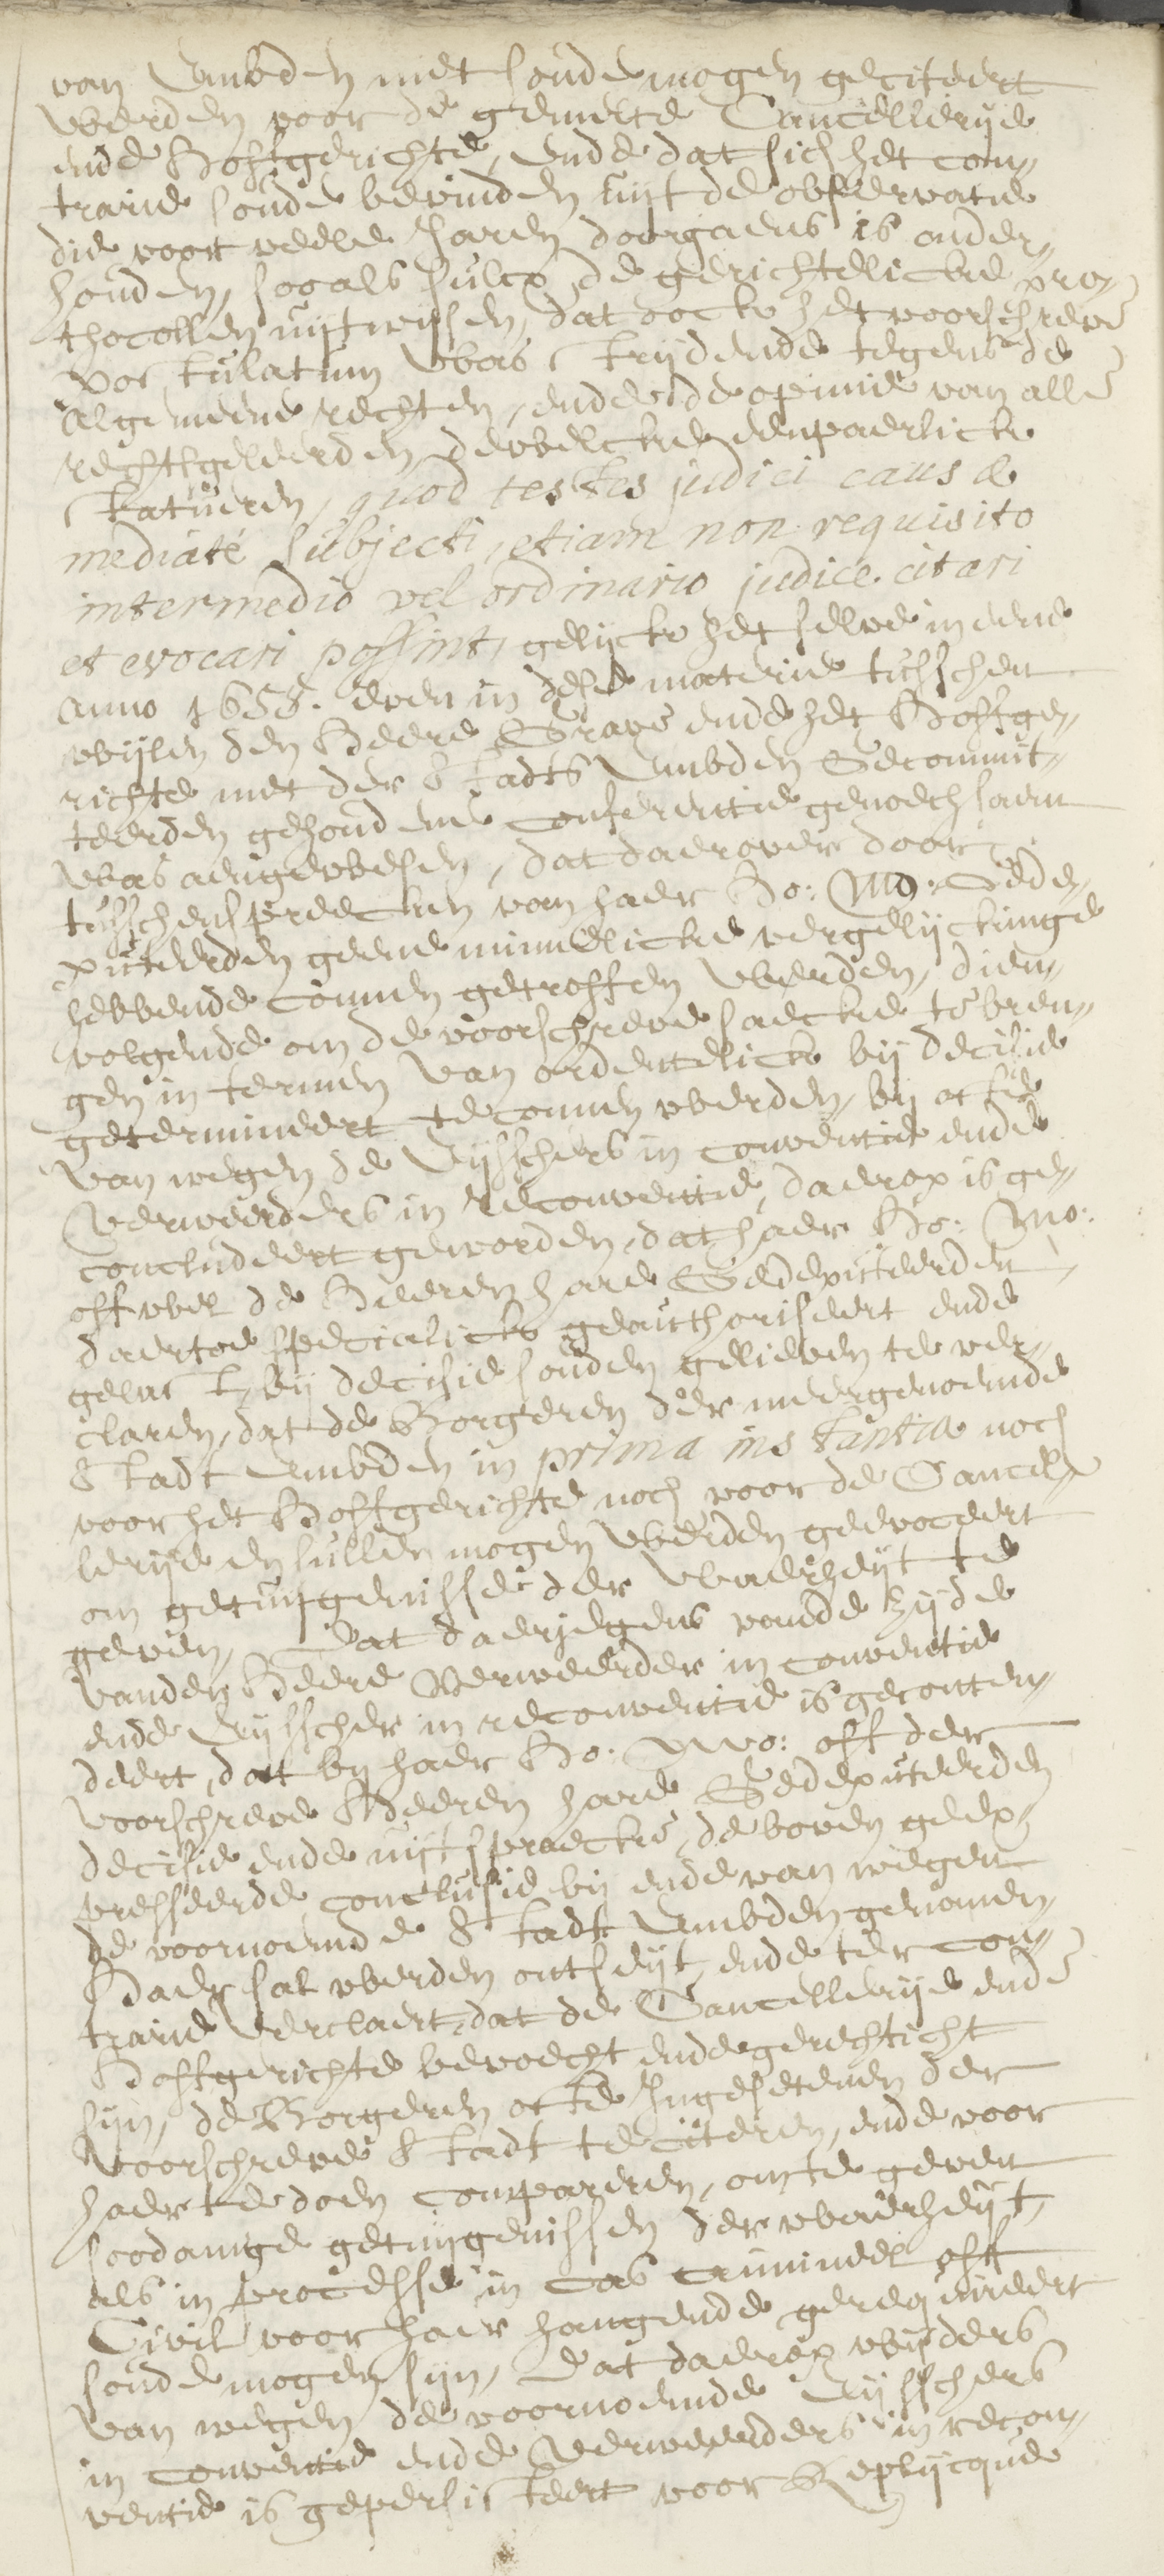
van Embden niet soude mogen geciteert
werden voor de gemelte Cancellerije
ende Hoffgerichte, ende dat sich het con„
trarie soude bevinden uijt de observatie
die voor veele Jaren doorgaens is onder„
houden, sooals sulcx de gerichtelicke pro„
thocollen uijtwissen, dat oock het voorschreve
postulatum was strijdende tegens de
algemeene rechten, ende de opinie van alle
rechtsgeleerden dewelcke eenpaerlick
statueren, quod testes judici causa
mediate subjecti, etiam non requisito
intermedio vel ordinario judice citari
et evocari possint, gelijck het selve ineene
Anno 1655. even in dese materie tusschen
wijlen den Heere Grave ende het Hoffge„
richte met der Stadts Embden Gecommit„
teerden gehoudene conferentie genoechsaem
was aengewesen, dat daerover door
tusschen spreecken van haer Ho:Mo: Gede„
puteerden geene minnelicke vergelijckinge
hebbende connen getroffen werden, dien„
volgende om de voorschreve saecke te bren„
gen in termen van ordentlick bij decisie
getermineert te connen werden, bij ofte
van wegen de Eijsschers in conventie ende
verweerders in reconventie, daerop is ge„
concludeert geworden, dat haer Ho:Mo:
offwel de Heeren hare Gedeputeerden,
daertoe specialicks geauthoriseert ende
gelast, bij decisie souden gelieven te ver„
claren, dat de Borgeren der meergenoemde
Stadt Embden, in prima instantia noch
voor het Hoffgerichte noch voor de Cancel„
lerije en sullen mogen werden geevoceert
om getuijgenisse der waerheijt te
geven, Dat daerjegens vande zijde
vanden Heere Verweerder in conventie
ende Eijsscher in reconventie is geconten„
deert, dat bij haer Ho:Mo: off der
voorschreve Heeren hare Gedeputeerden
decisie ende uijtspraecke, de boven geex„
presseerde conclusie bij ende van wegen
de voornoemde Stadt Embden genomen,
Haer sal werden ontseijt, ende ter con„
trarie verclaert de Cancellerije ende
Hoffgerichte bevoecht ende gerechticht
sijn, de Borgeren ofte Ingesetenen der
voorschreve Stadt te citeren, ende voor
haer te doen compareren, om te geven
soodanige getuijgenissen der waerheijt,
als in processe in cas crimineel off
Civil voor haer hangende gerequireert
soude mogen sijn, Dat daerop wijders
van wegen de voornoemde Eijsschers
in conventie ende Verweerders in recon„
ventie is gepersisteert voor Replijcque
